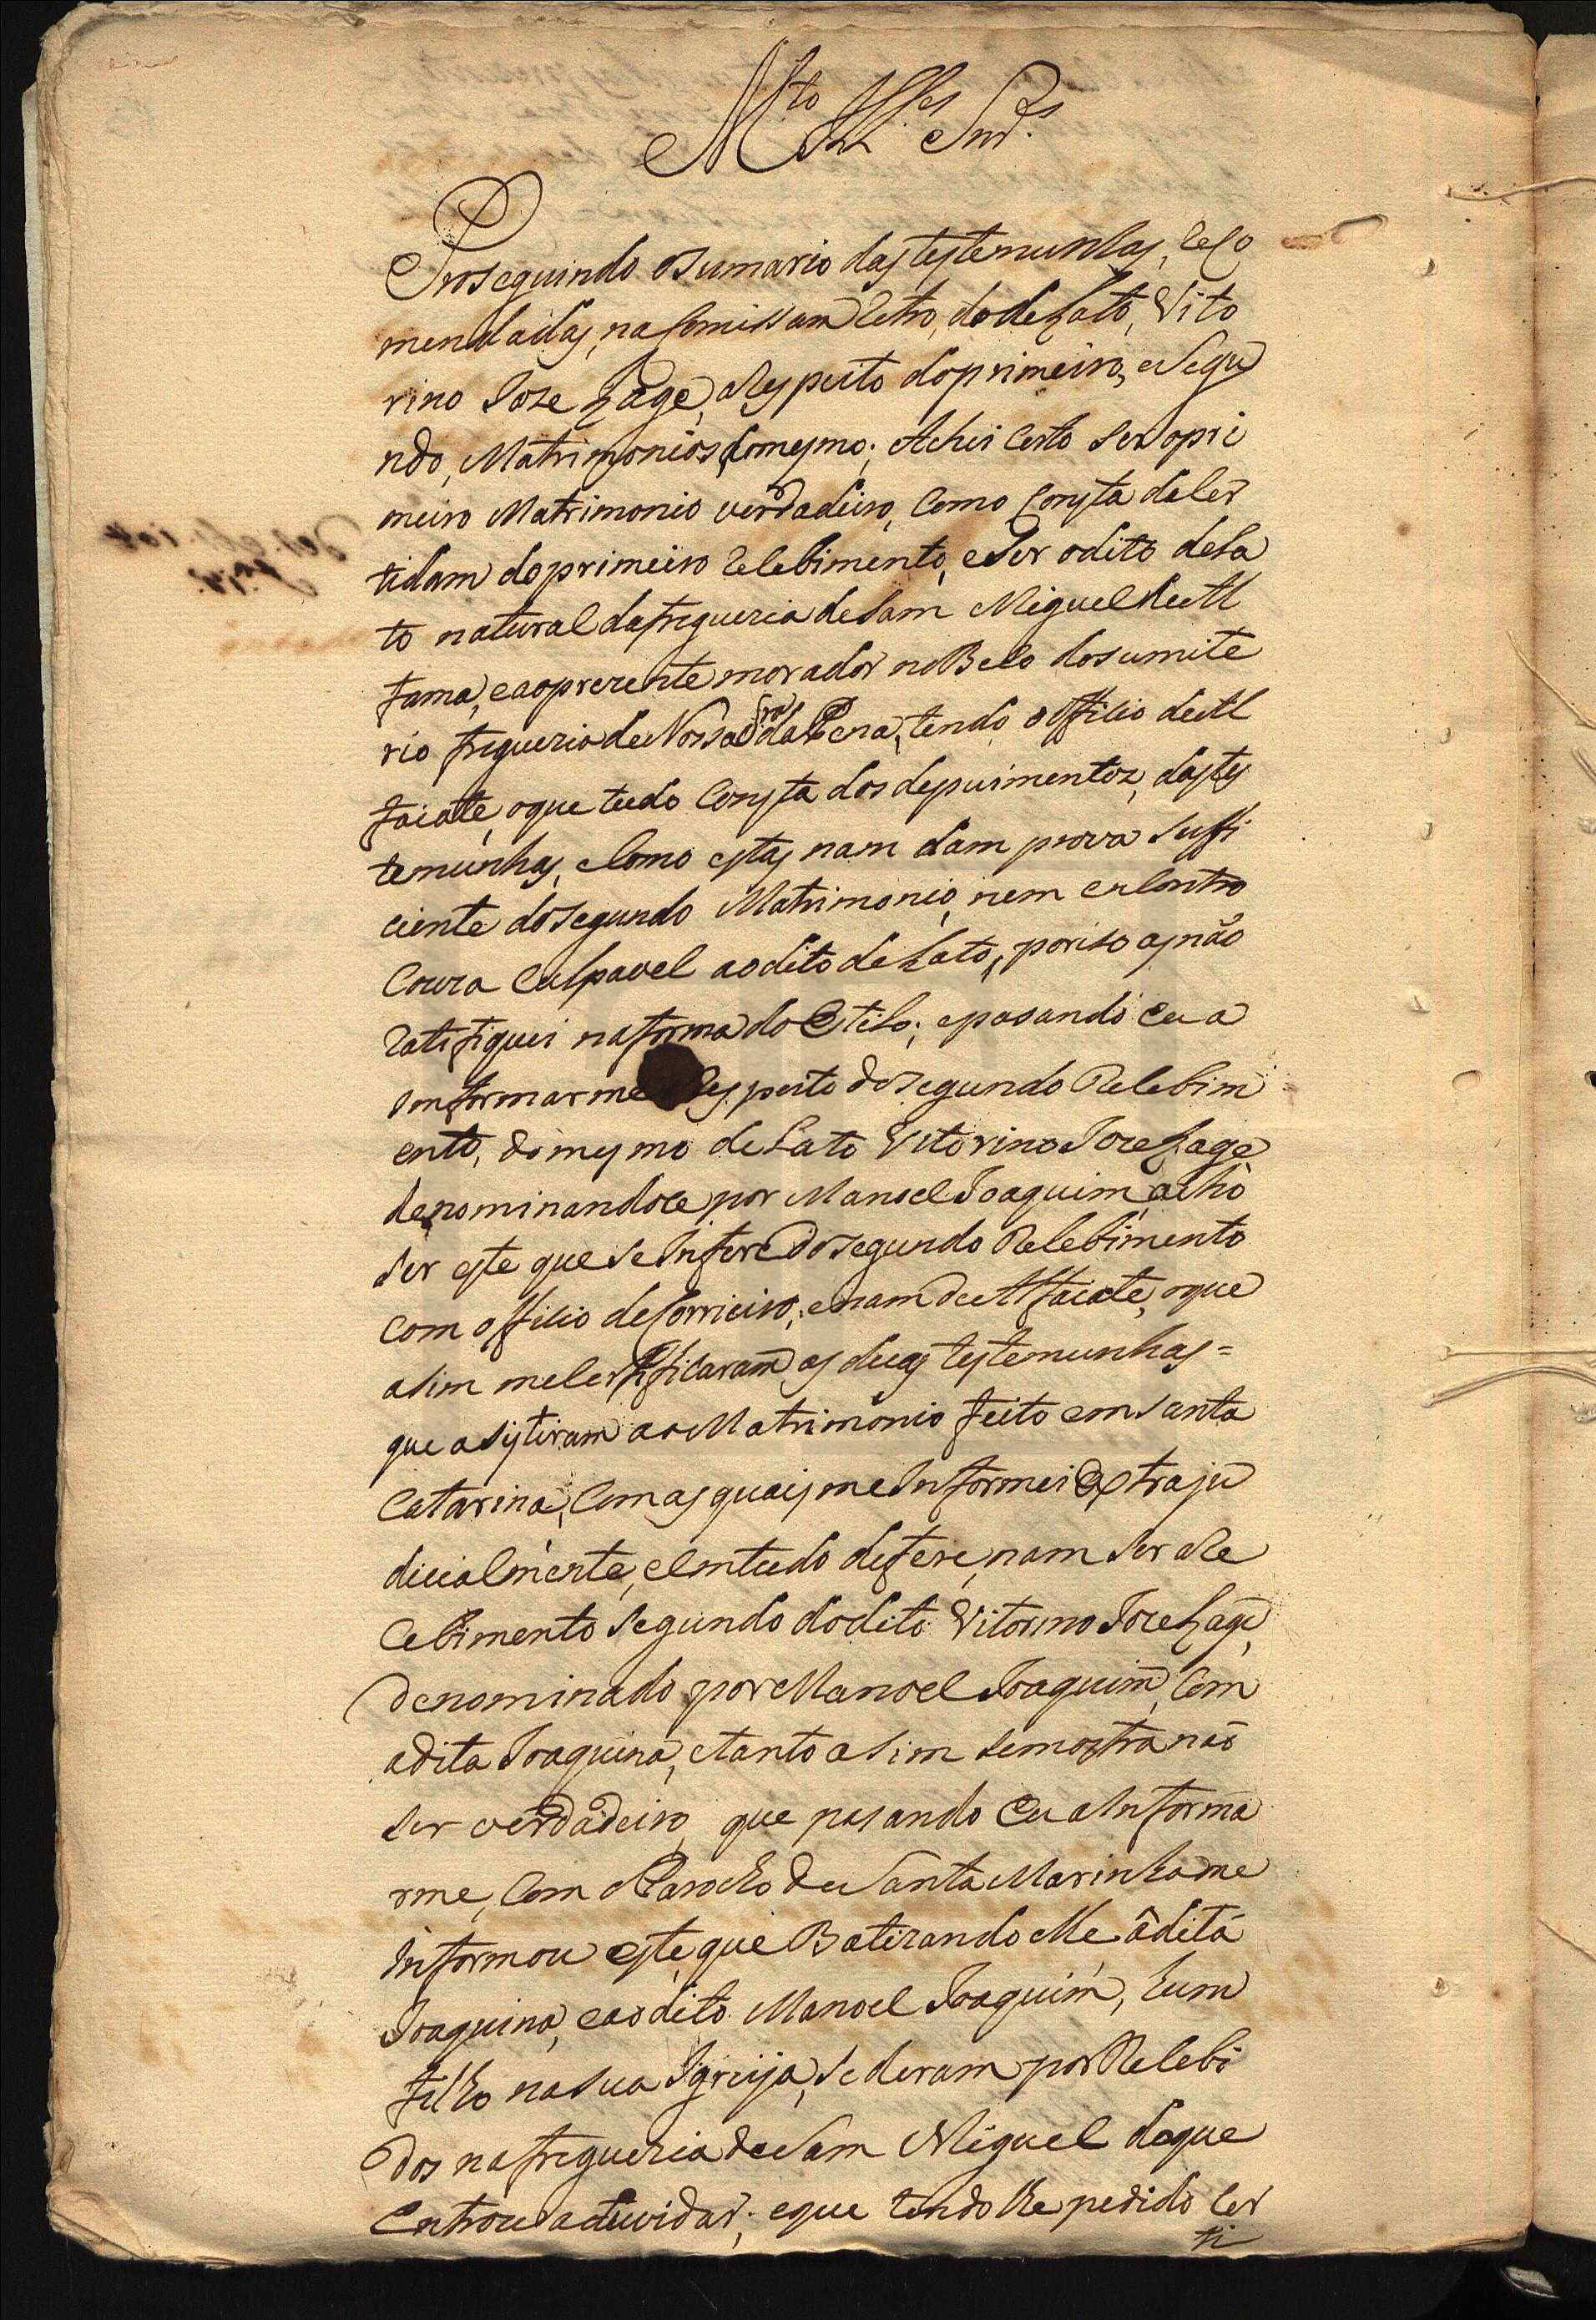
M.to Illes Snr.es
Proseguindo o sumario das testemunhas, ReCo
mendadas, na Comissam Retro, do deLato, Vito
rino Ioze Lage, a Respeito dos primeiro, e Segu
ndo, Matrimonios do mesmo; Achei certo ser o pri
meiro Matrimonio verdadeiro, como Consta de Cer
tidam do primeiro ReCebimento, e Ser o dito dela
to natural da freguezia de Sam Miguel de Al
fama, e ao prezente morador no Beco do sumite
rio freguezia de Nossa S.ra da Pena, tendo officio de Al
faiate, o que tudo consta dos depuimentos, das tes
temunhas, e Como estas nam sam prova suffi
ciente do segundo Matrimonio, nem encontro
couza culpavel ao dito deLato, poriso as não
Ratifiquei na forma do Estilo; e pasando Eu a
Imformarme_Respeito do segundo ReCebim
ento, do mesmo deLato Vitorino Ioze Lage,
denominandoce por Manoel Ioaquim, acho
ser este que se Infere do segundo Recebimento
com officio de Corrieiro, e nam de Alfaiate, o que
asim me Certificaram as duas testemunhas
que asistiram ao Matrimonio feito em santa
Catarina, com as quais me Ingormei Extraju
dicioalmente, e em tudo difere, nam ser a Re
cebimento segundo do dito Vitorino Ioze Lage,
de nominado por Manoel Ioaquim, com
a dita Ioaquina, e tanto asim demostra naõ
ser verdadeiro, que pasando eu a Informa
rme, com o Parocho da Santa Marinha me
Informou este, que Batizando elle á ditá
Ioaquina, e ao dito Manoel Ioaquim, hum
filho na sua Igreja, se deram por Recebi
dos na freguezia de Sam Miguel do que
entrou a duvidar; e que tendo lhe pedido cer
ti
